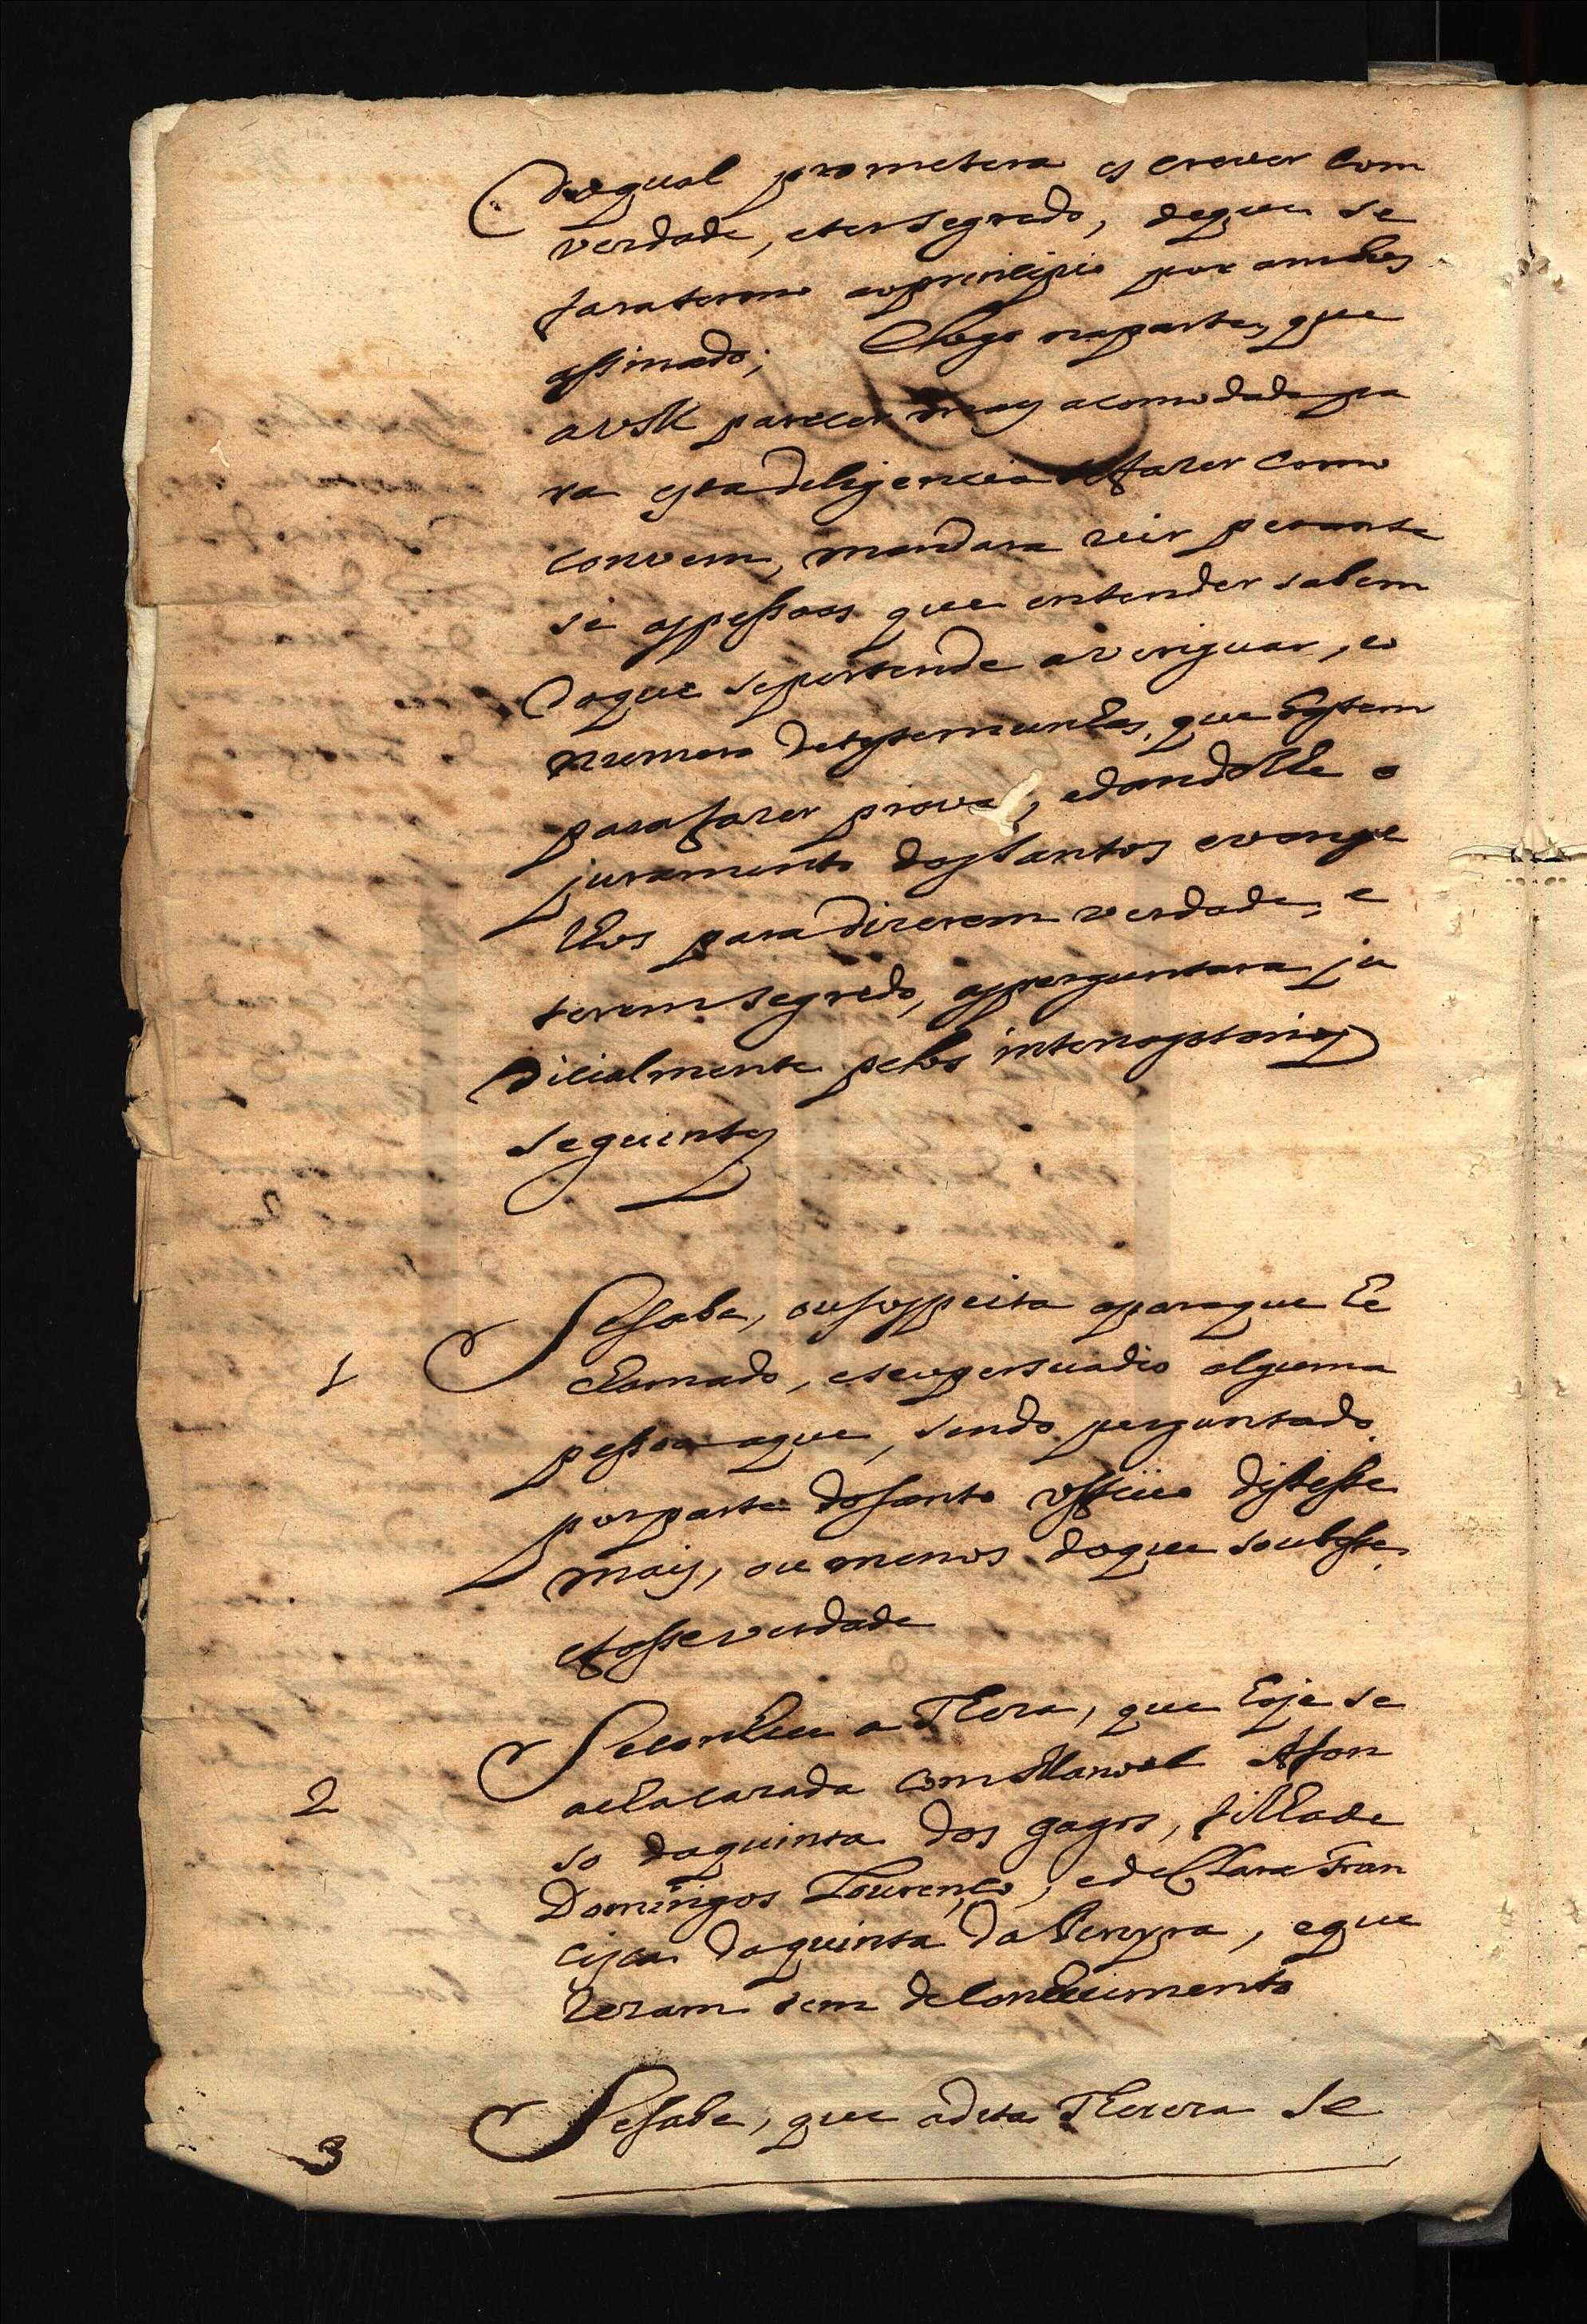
3
1
do qual prometera escrever com
verdade, e ter segredo, de que se
fara termo ao principio por ambos
assinado; E logo na parte que
a v M parecer maes acomodada pa
ra esta deligencia se fazer como
convem, mandara vir perante
si as pessoas que entender sabem
do que se pertende averiguar, e o
numero de testemunhas, que bastem
para fazer prova, e dandolhe o
juramento dos Santos evange
lhos para dizerem verdade, e
terem segredo, as perguntara ju
dicialmente pelos interrogatorios
seguintes
Se sabe, ou sospeita o para que he
chamado, e se o persuadio alguma
pessoa a que, sendo perguntado
por parte do santo officio dissesse
mais, ou menos do que soubesse,
e fosse verdade
Se conhece a Theza, que hoje se
acha cazada com Manoel Afon
so da quinta dos gagos, filha de
Domingos Lourenço, e de Clara Fran
cisca da quinta da Pereyra; e que
Rezam tem de conhecimento
Se sabe, que a dita Thereza se
